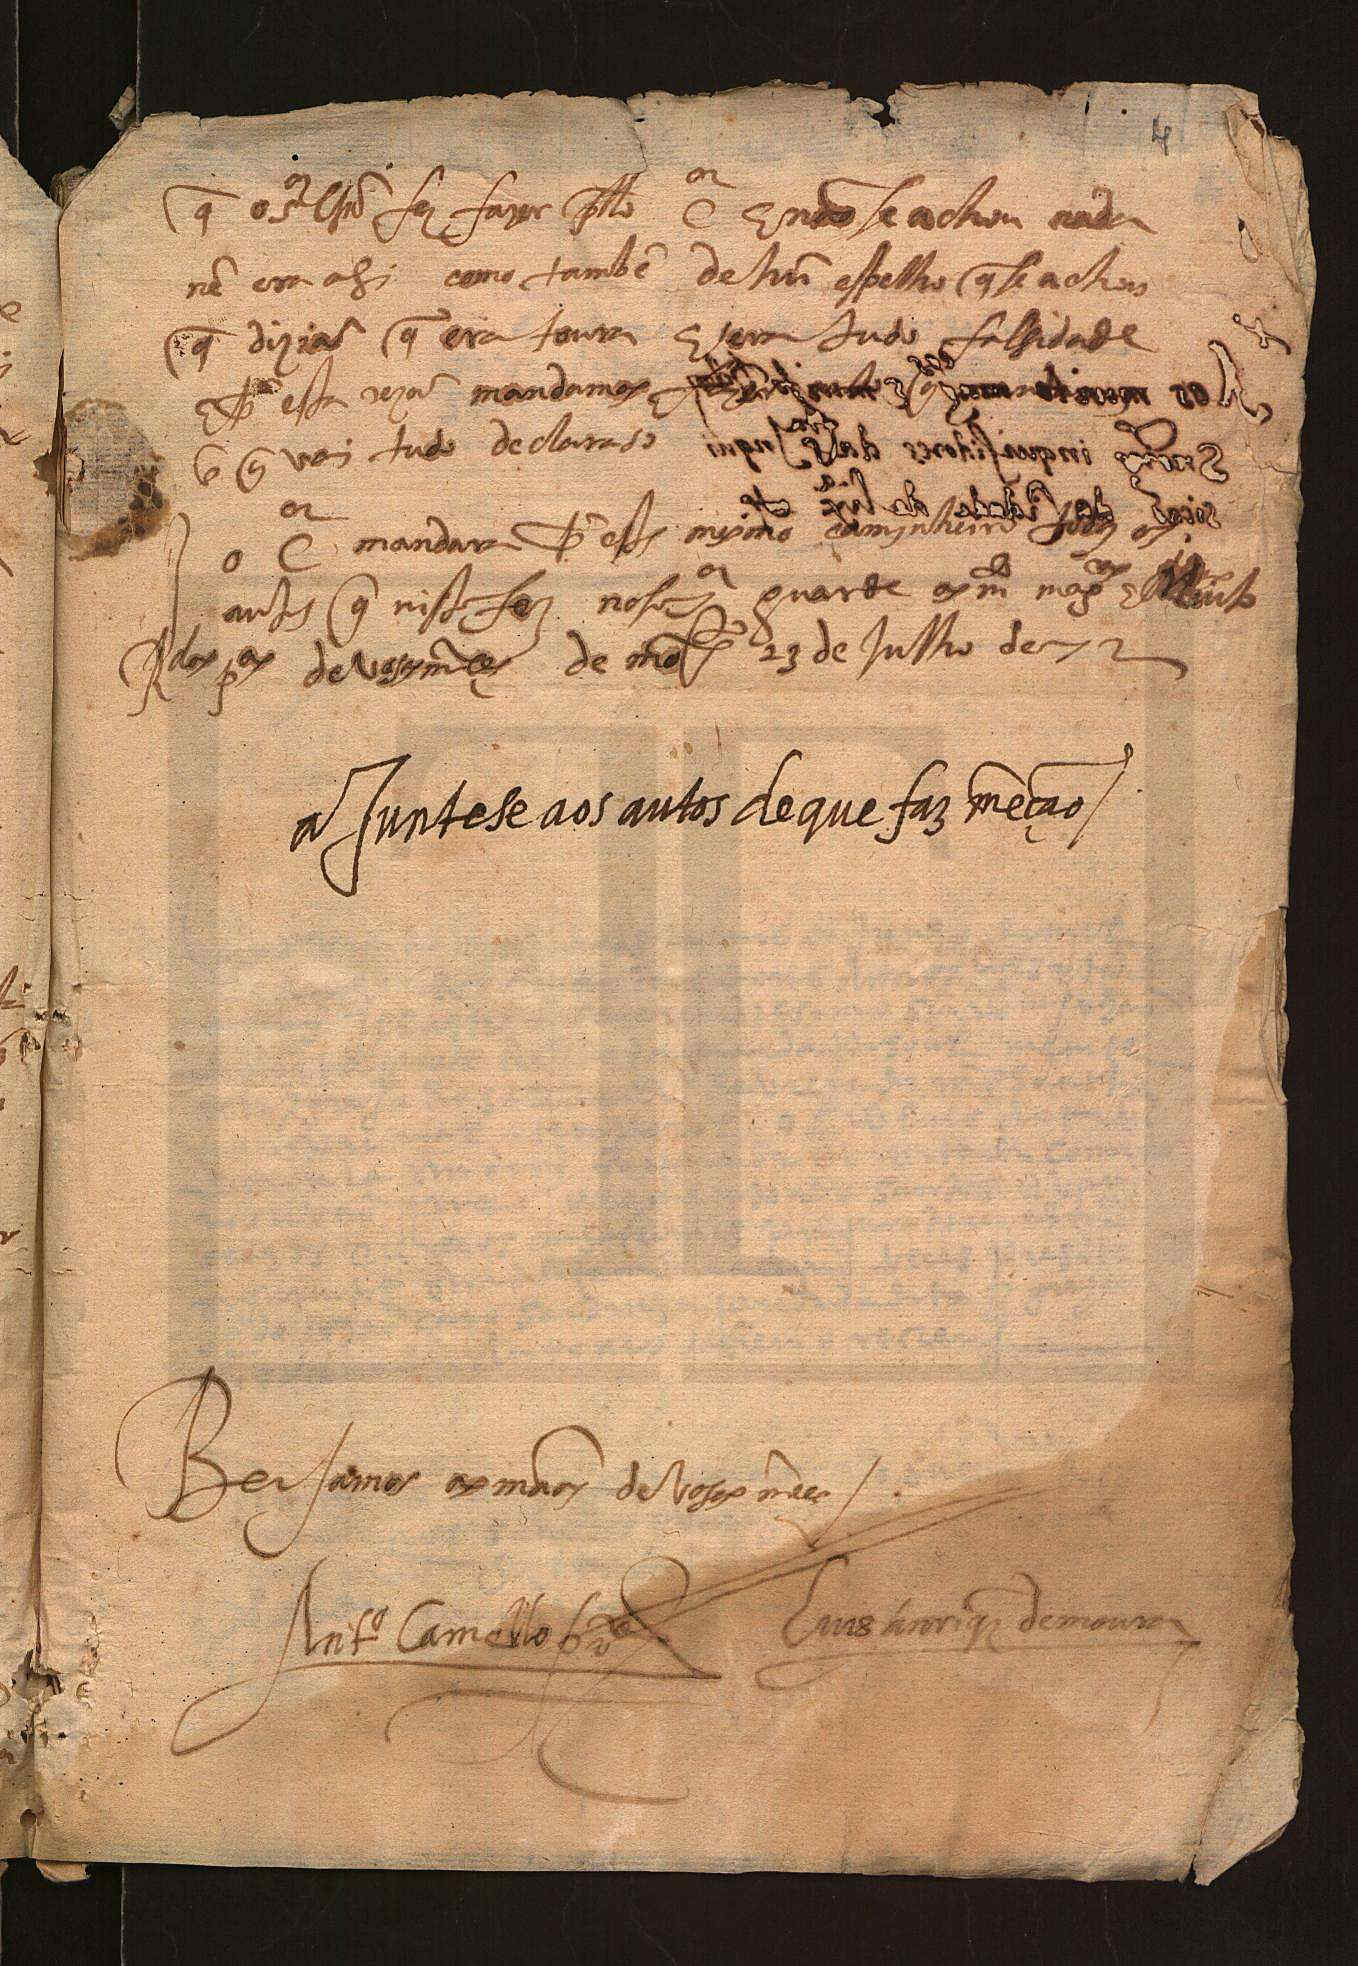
q̄ o sor bpō fez fazer p̅llo Cor E não se achou nada
nē era asi como tambē de hū espelho q̄ se achou
q̄ diziaõ q̄ era toura E era tudo falsidade
E p̄o esta rezā mandamos fazer auto q̄ mandamos
ē q̄ vai tudo declarado
o Cor mandara p̄o estꝭ mesmo camjnheiro todos os
autos q̄ nisto fez noso sor guarde as mto magcas E Muito
Rdas pas de vosas m̄ces de mōsto 23 de Julho de 72
aJuntese aos autos de que faz mēção /
BeiJamos as mãos de Vosas m̄ces /.
